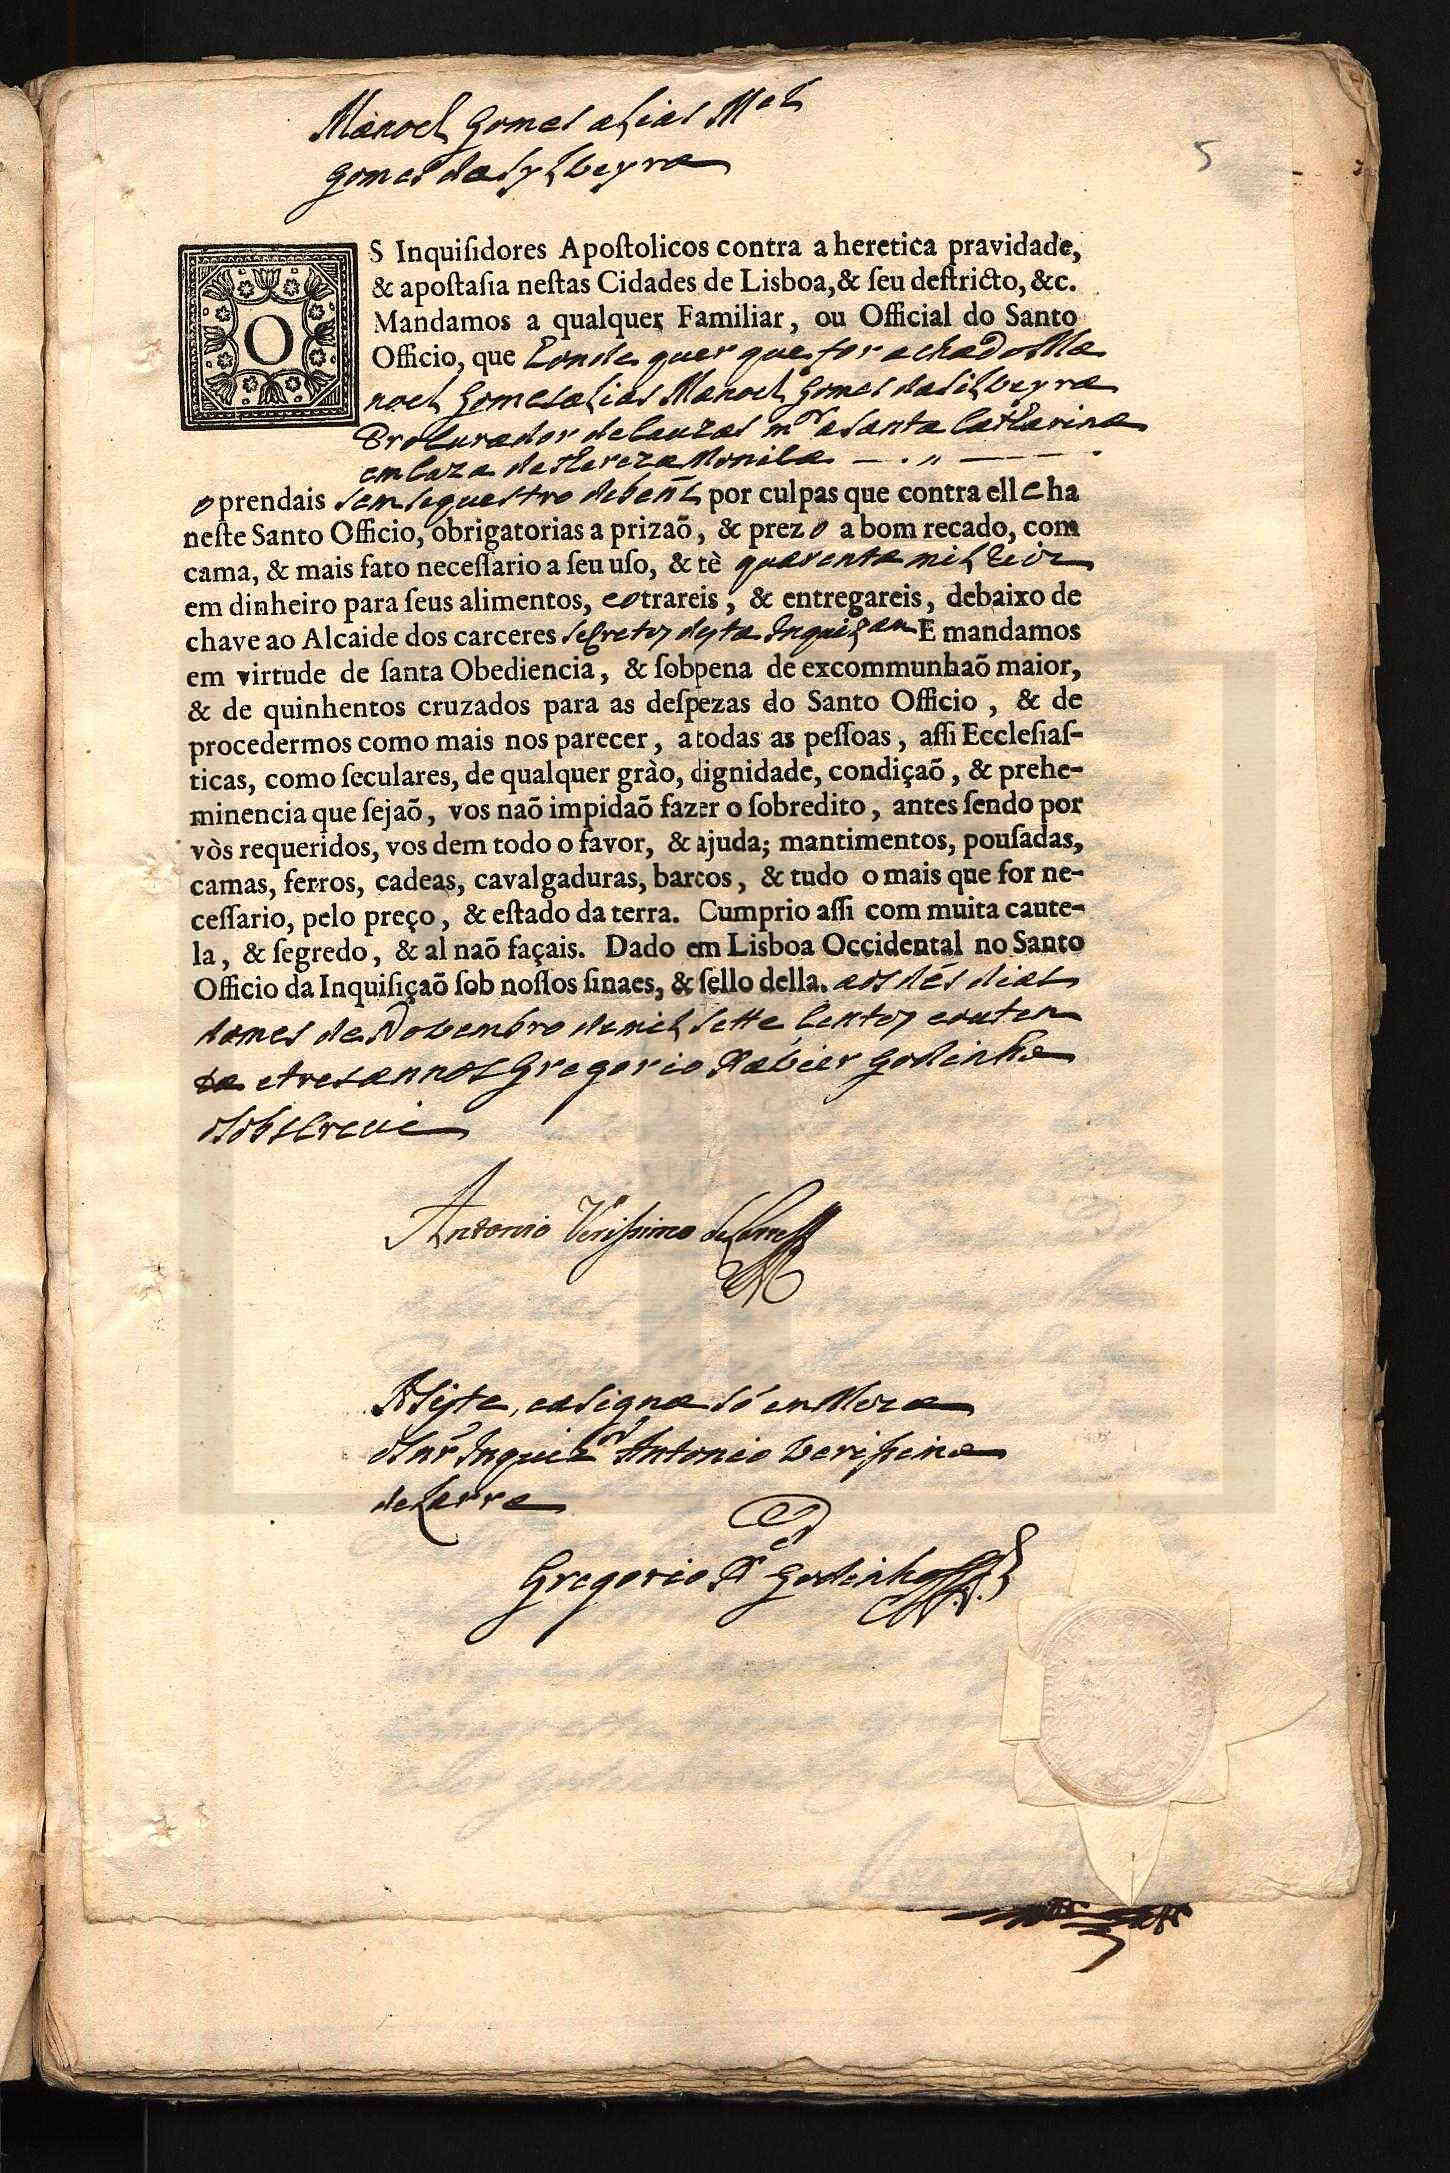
Manoel Gomes alias Mel
Gomes da Sylveyra
S Inquisidores Apostolicos contra a heretica pravidade,
& apostasia nestas Cidades de Lisboa, & seu destricto, &c.
Mandamos a qualquer Familiar , ou Official do Santo
Officio, que donde quer que for achado Ma
noel Gomes alias Manoel Gomes da Silveyra
Procurador de Couzas m.or a Santa Catharina
em Caza da Thereza Monica
o prendais sem sequestro de ben̄z por culpas que contra elle ha
neste Santo Officio, obrigatorias a prizaõ, & prezo a bom recado, com
cama, & mais fato necessario a seu uso, & tè quarenta mil reiz
em dinheiro para seus alimentos, e o trareis, & entregareis, debaixo de
chave ao Alcaide dos carceres secretos desta Inquiçam E mandamos
em virtude de santa Obediencia, & sobpena de excommunhaõ maior,
& de quinhentos cruzados para as despezas do Santo Officio , & de
procedermos como mais nos parecer, a todas as pessoas, assi Ecclesias
ticas, como seculares, de qualquer grào, dignidade, condiçaõ, & prehe
minencia que sejaõ, vos naõ impidaõ fazer o sobredito, antes sendo por
vòs requeridos, vos dem todo o favor, & ajuda; mantimentos, pousadas,
camas, ferros, cadeas, cavalgaduras, barcos, & tudo o mais que for ne
cessario, pelo preço, & estado da terra. Cumprio assi com muita caute
la, & segredo, & al naõ façais. Dado em Lisboa Occidental no Santo
Officio da Inquisiçaõ sob nossos sinaes, & sello della. Aos dés dias
do mes de Novembro de mil settecentos e outen
ta e tres annos Gregorio Xavier Godinho
o sobrescrevi
Antonio Verissimo de Larre
Asiste, e asigna só em Meza
o Snr̄ Inquiz.or Antonio Verissimo
de Larre
Gregorio Xer Godinho
